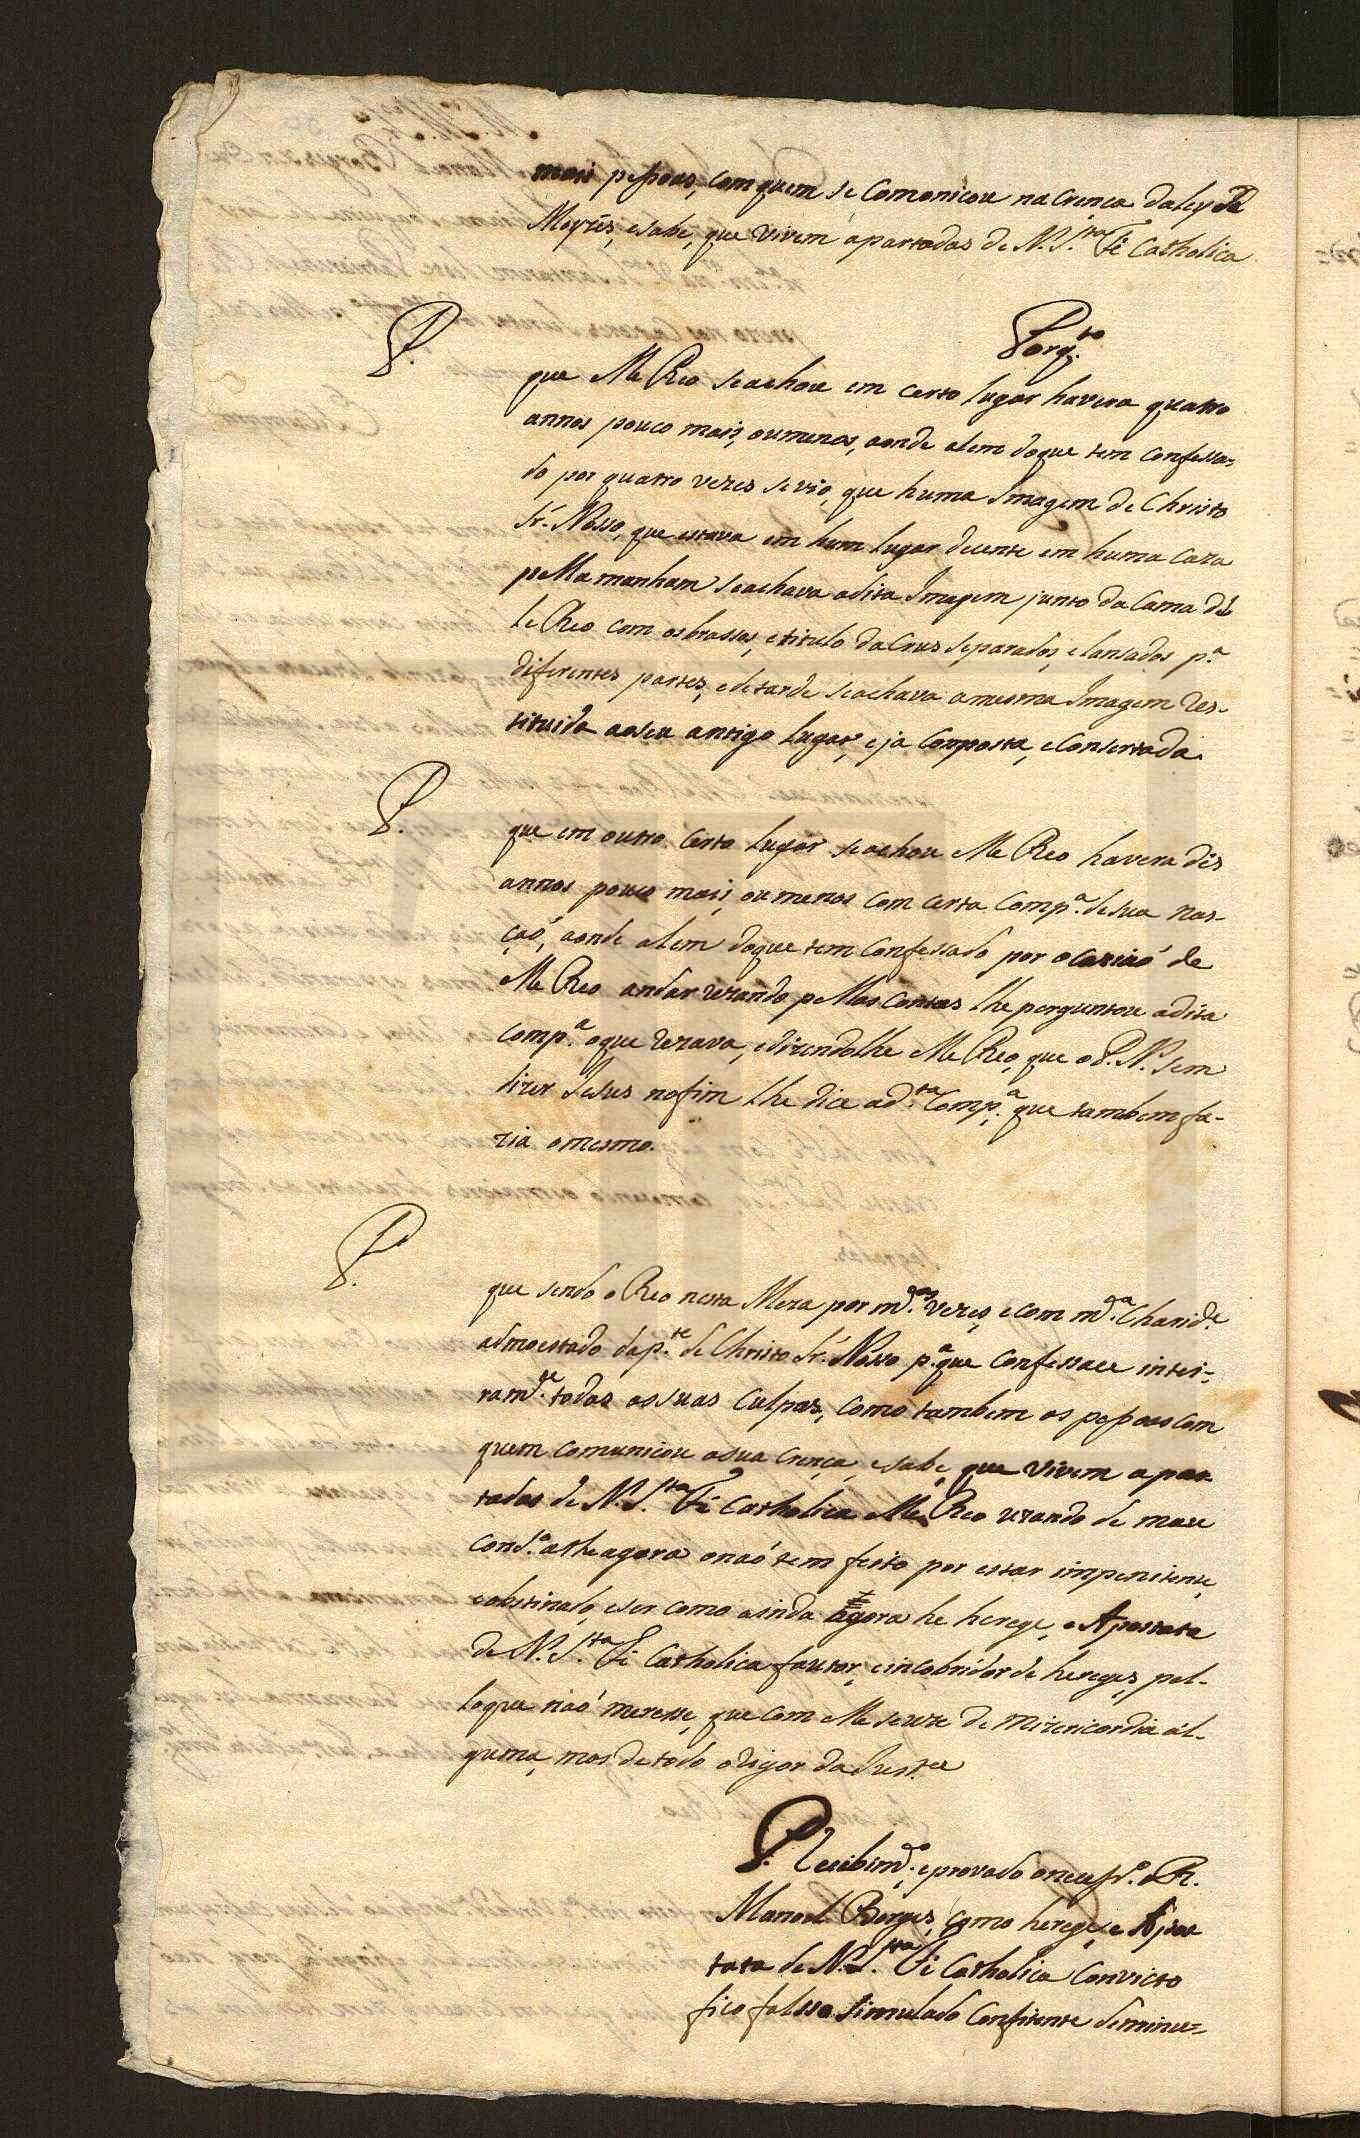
mais pessoas, com quem se comonicou na crença da ley de
Moyzés, e sabe, que vivem apartadas de N. S.ta Fé Catholica
Porq.to
P.
que elle Reo se achou em certo lugar havera quatro
annos pouco mais, ou menos, aonde alem do que tem confessa
do por quatro vezes se vio, que huma Imagem de Christo
Sr̄. Nosso, que estava em hum lugar decente em huma caza
pella manham se achava a dita Imagem junto da Cama de
le Reo com os brassos, e titulo da Crus separados e lansados p.a
diferentes partes, e de tarde se achava a mesma Imagem Res
tituida ao seu antigo Lugar, e ja Composta, e consertada.
P.
que em outro certo Lugar se achou elle Reo havera dés
annos pouco mais, ou menos com certa comp.a de sua nas
çaõ, aonde alem do que tem confessado por ocaziaõ de
elle Reo andar rezando pellas contas lhe perguntou a dita
comp.a o que Rezava, e dizendolhe elle Reo, que o P. N. sem
dizer Iesus no fim lhe dice a d.ta Comp;a que tambem fa
zia o mesmo.
que sendo o Reo nesta Meza por m.tas vezes, e com m.ta Charid.e
admoestado da p.te de Christo Sr̄. Nosso p.a que confessace intei
ram.te todas as suas culpas, como tambem as pessoas com
quem comunicou a sua crença e sabe que vivem apar
tadas de N. S.ta Fé Catholica elle Reo uzando se mau
cons.o athe agora o naõ tem feito por estar impenitente
e obstinado e ser como ainda hgora he herege, e Apostata
de N. S.ta Fé Catholica fautor, e incobridor de hereges, pel
lo que naõ meresse, que com elle se uze de mizericordia ál
guma, mas de todo o Rigor da Iust.a
P. Recebim.to e provado o necesr.o R.
Manoel Borges, como herege, e Apos
tata de N. S.ta Fé Catholica Convicto
fico falsso simulado Confitente deminu
